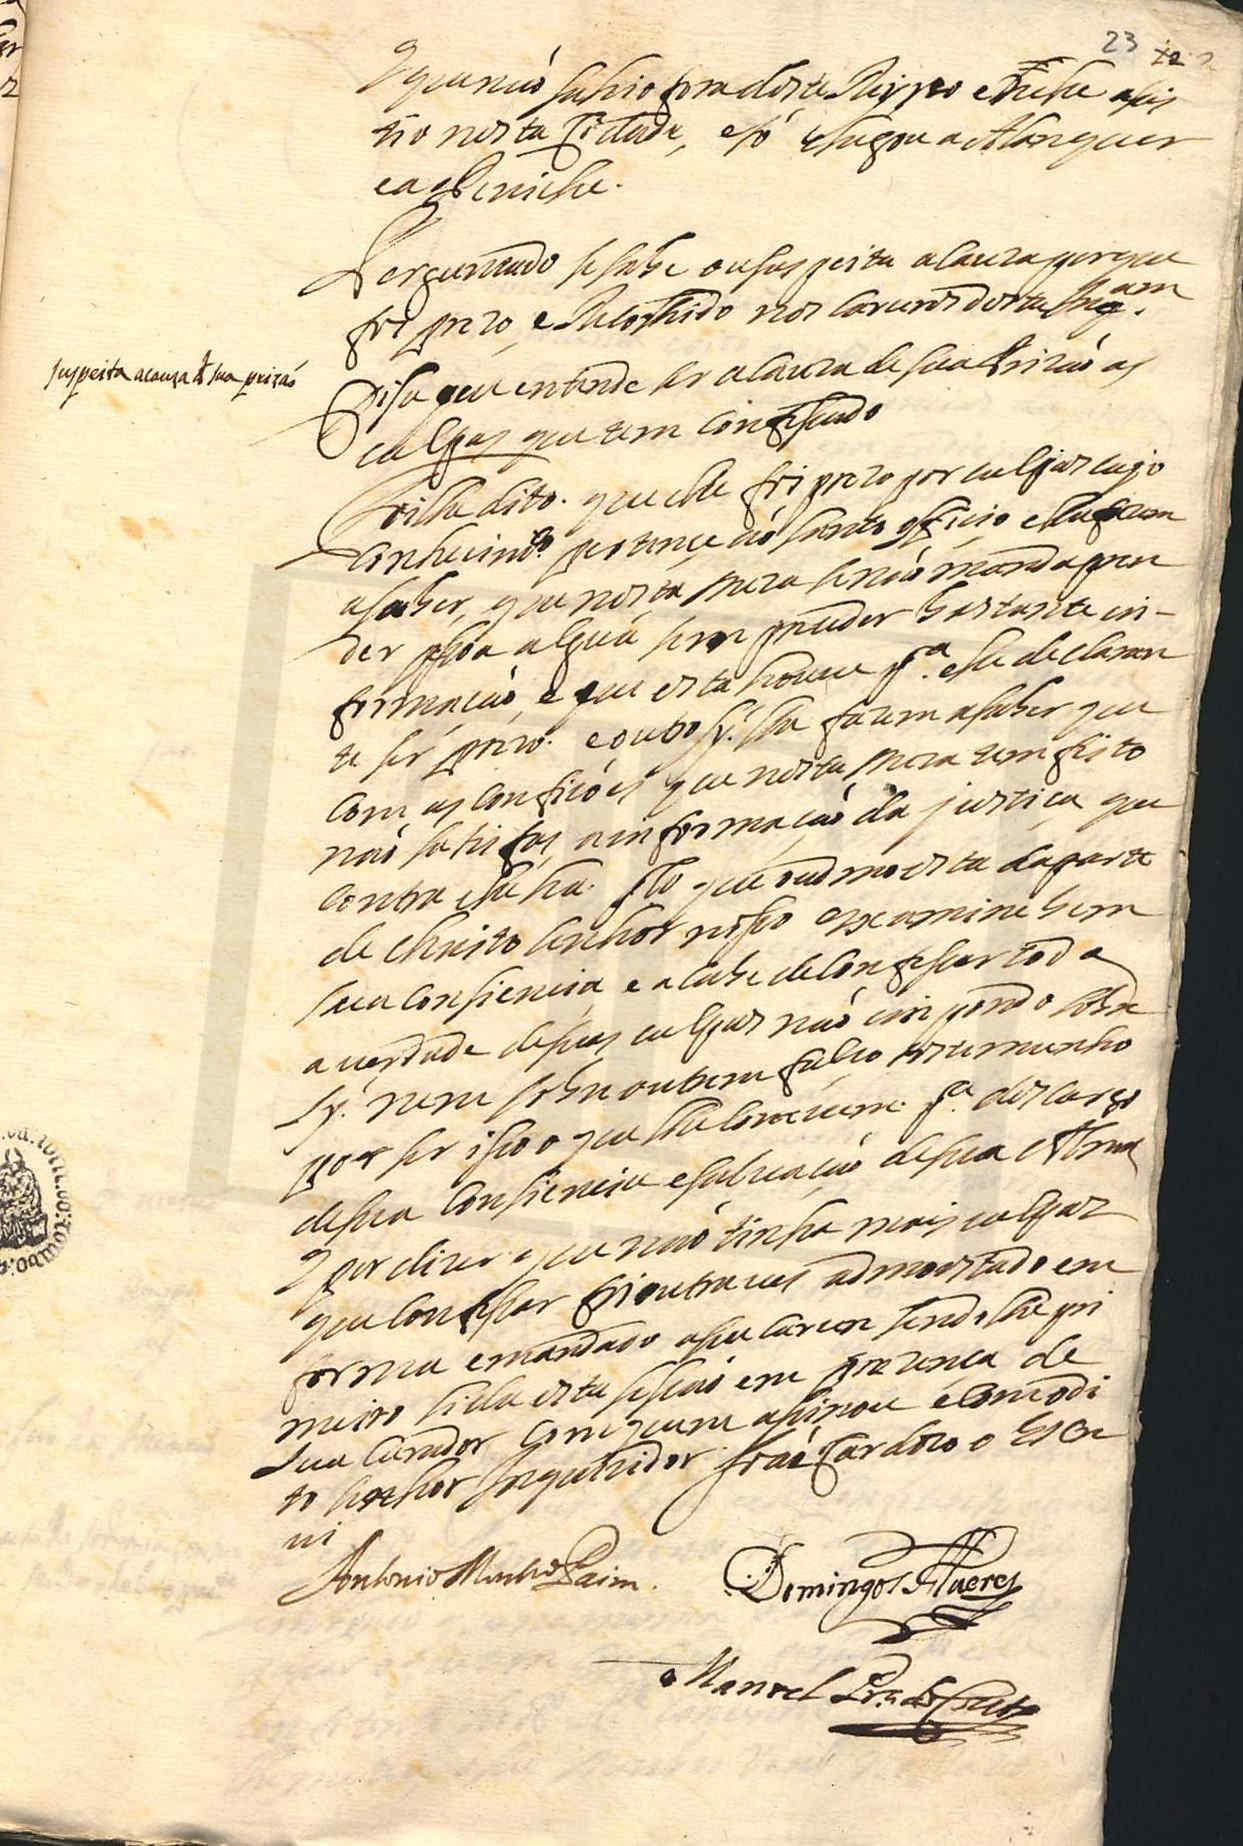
E que naõ sahio fora deste Reyno e nesse asis
tio nesta Cidade, e só chegou a Alanquer
e a Peniche.
Perguntado se sabe ou suspeita a cauza porque
foi prezo, e Recolhido nos carceres desta Inq.am
Disse que entende ser a cauza de sua Prizaõ as
suspeita a cauza d̄ sua prizaõ
culpas que tem confessado
Foilhe dito. que elle foi prezo por culpas cujo
conhecim.to pertence ao santo officio e lhe fazem
a saber, que nesta Meza se naõ manda pren
der pssoa alguā sem proceder bastante in
formaçaõ, e que esta houue p.a elle declaran
te ser prezo e outrosy. lhe fazem a saber que
com as confições que nesta Meza tem feito
naõ satisfas, a informaçaõ da justiça que
contra elle ha. plo que o admoesta da parte
de christo senhor nosso esxamine bem
sua consiencia, e acabe de confessar toda
a uerdade de suas culpas naõ impondo sobre
sy. nem sobre outrem falso testemunho
por ser isso o que lhe comuem p.a descargo
de sua consiencia e saluaçaõ de sua Alma
E por dizer que naõ tinha mais culpaz
que confessar foi outra ues admoestado em
forma e mandado a seu carcere sendolhe pri
meiro lida esta sessaõ em prezença de
seu curador com quem assinou, e com o di
to senhor Jnquizidor Joaõ Cardozo o Escre
ui
Antonio Montro Paim
Domingos Alueres
Manoel P.ra do Couto
